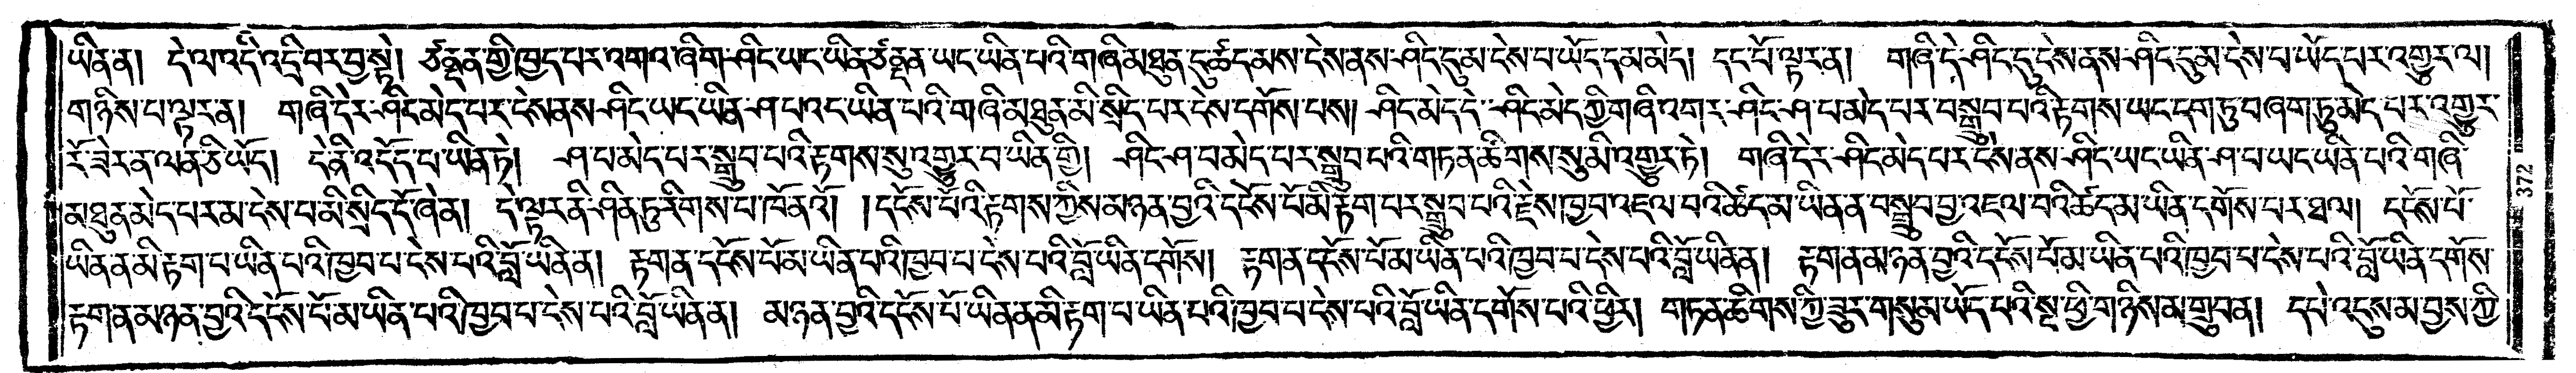ཡིན་ན། དེ་ལ་འདི་འདྲི་བར་བྱ་སྟེ། ཙནྡན་གྱི་ཁྱད་པར་འགའ་ཞིག་ཤིང་ཡང་ཡིན་ཙནྡན་ཡང་ཡིན་པའི་གཞི་མཐུན་དུ་ཚད་མས་ངེས་ནས་ཤིང་དུ་མ་ངེས་པ་ཡོད་དམ་མེད། དང་པོ་ལྟར་ན། གཞི་དེ་ཤིང་དུ་ངེས་ནས་ཤིང་དུ་མ་ངེས་པ་ཡོད་པར་འགྱུར་ལ།
གཉིས་པ་ལྟར་ན། གཞི་དེར་ཤིང་མེད་པར་ངེས་ནས་ཤིང་ཡང་ཡིན་ཤ་པའང་ཡིན་པའི་གཞི་མཐུན་མི་སྲིད་པར་ངེས་དགོས་པས། ཤིང་མེད་དེ་ཤིང་མེད་ཀྱི་གཞི་འགར་ཤིང་ཤ་པ་མེད་པར་བསྒྲུབ་པའི་རྟགས་ཡང་དག་ཏུ་བཞག་ཏུ་མེད་པར་འགྱུར་
རོ་ཟེར་ན་ལན་ཅི་ཡོད། དེ་ནི་འདོད་པ་ཡིན་ཏེ། ཤ་པ་མེད་པར་སྒྲུབ་པའི་རྟགས་སུ་འགྱུར་བ་ཡིན་གྱི། ཤིང་ཤ་པ་མེད་པར་སྒྲུབ་པའི་གཏན་ཚིགས་སུ་མི་འགྱུར་ཏེ། གཞི་དེར་ཤིང་མེད་པར་ངེས་ནས་ཤིང་ཡང་ཡིན་ཤ་པ་ཡང་ཡིན་པའི་གཞི་
མཐུན་མེད་པར་མ་ངེས་པ་མི་སྲིད་དོ་ཞེ་ན། དེ་ལྟར་ནི་ཤིན་ཏུ་རིགས་པ་ཁོ་ནའོ། །དངོས་པོའི་རྟགས་ཀྱིས་མཉན་བྱའི་དངོས་པོ་མི་རྟག་པར་སྒྲུབ་པའི་རྗེས་ཁྱབ་འཇལ་བའི་ཚད་མ་ཡིན་ན་བསྒྲུབ་བྱ་འཇལ་བའི་ཚད་མ་ཡིན་དགོས་པར་ཐལ། དངོས་པོ་
ཡིན་ན་མི་རྟག་པ་ཡིན་པའི་ཁྱབ་པ་ངེས་པའི་བློ་ཡིན་ན། རྟག་ན་དངོས་པོ་མ་ཡིན་པའི་ཁྱབ་པ་ངེས་པའི་བློ་ཡིན་དགོས། རྟག་ན་དངོས་པོ་མ་ཡིན་པའི་ཁྱབ་པ་ངེས་པའི་བློ་ཡིན་ན། རྟག་ན་མཉན་བྱའི་དངོས་པོ་མ་ཡིན་པའི་ཁྱབ་པ་ངེས་པའི་བློ་ཡིན་དགོས་
རྟག་ན་མཉན་བྱའི་དངོས་པོ་མ་ཡིན་པའི་ཁྱབ་པ་ངེས་པའི་བློ་ཡིན་ན། མཉན་བྱའི་དངོས་པོ་ཡིན་ན་མི་རྟག་པ་ཡིན་པའི་ཁྱབ་པ་ངེས་པའི་བློ་ཡིན་དགོས་པའི་ཕྱིར། གཏན་ཚིགས་ཀྱི་ཟུར་གསུམ་ཡོད་པའི་སྔ་ཕྱི་གཉིས་མ་གྲུབ་ན། དཔེ་འདུས་མ་བྱས་ཀྱི་